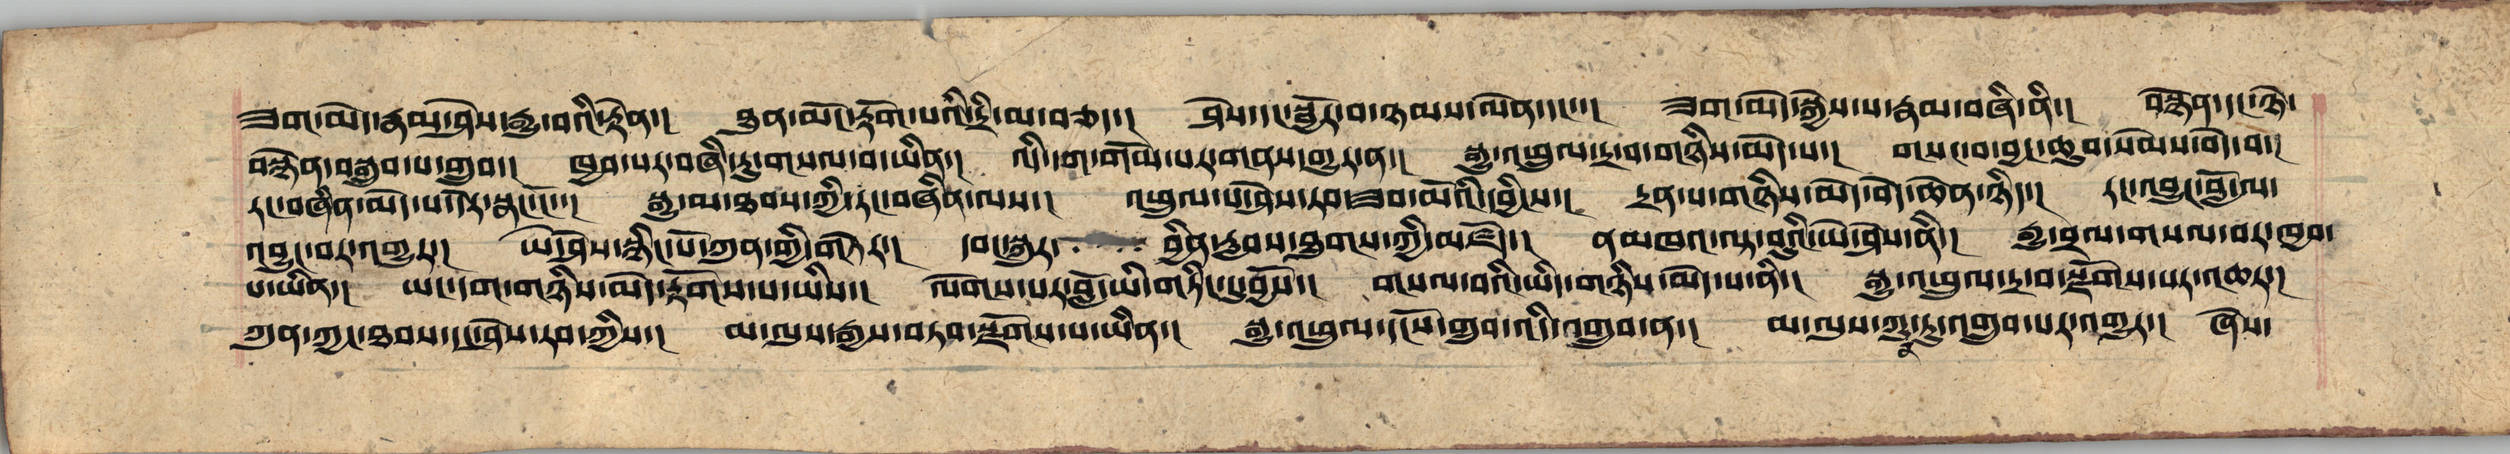ཟག་མེད་རྣམ་ཤེས་རྒྱུ་བའི་རྟེན་། ཐུན་མོང་རྟོག་པའི་དྲི་མ་བཅད་། ཤེས་དང་སྦྱོར་བ་ཉམས་ལེན་དང་་། ཟག་མེད་སྐྱེས་པ་རྣམ་བཞི་ནི་། བསྙེན་དང་ཉེ་
བསྙེན་བསྒྲུབ་པ་གྲུབ་། ཁྱབ་པར་བཞི་རུ་གསལ་བ་ཡིན་། འདི་དག་གོམ་པར་གནས་གྱུར་ན་། སྒྱུ་འཕྲུལ་དྲ་བ་གཉིས་མེད་པ་། གསང་བ་བྱང་ཆུབ་སེམས་བདེ་བ་།
རང་བཞིན་མེད་པ་དེར་སྣང་ངོ་་། སྒྱུ་མ་ཐབས་ཀྱི་རང་བཞིན་ལས་། འཕྲུལ་པ་ཤེས་རབ་ཟབ་མོའི་དབྱིངས་། དྲན་པ་གཉིས་མེད་བདེ་ཆེན་ཉིད་། རང་འབྱུང་བློ་ལ་
འབྱུང་བར་འགྱུར་། ཡེ་ཤེས་སྙིང་པོ་ཀུན་གྱི་གཏེར་། དབང་སྐུར་ ་ ་ ་བྱིན་རླབས་ཐུགས་ཀྱི་མཛོད་། ནམཁའ་ལྟ་བུའི་ཡེ་ཤེས་ནི་། རྒྱུ་བྲལ་གསལ་བར་ཁྱ
པ་ཡིན་། ཡང་དག་གཉིས་མེད་རྟོགས་པ་ཡིས་། ལེགས་པར་བློ་ཡི་གཏིང་དུ་བྱོས་། གསལ་བའི་ཡིད་གཉིས་མེད་པ་ནི་། སྒྱུ་འཕྲུལ་དྲ་བ་སྫོགས་པར་འཆར་།
ཀུན་ཀྱང་ཐབས་དང་ཤེས་རབ་ཀྱིས་། མ་ལུས་རྒྱས་བཏབ་སྫོགས་པ་ཡིན་། སྒྱུ་འཕྲུལ་དངོས་གྲུབ་འདི་འགྲུབ་ན་། མ་ལུས་ཀུན་ཏུ་འགྲུབ་པར་འགྱུར་། ཞེས་